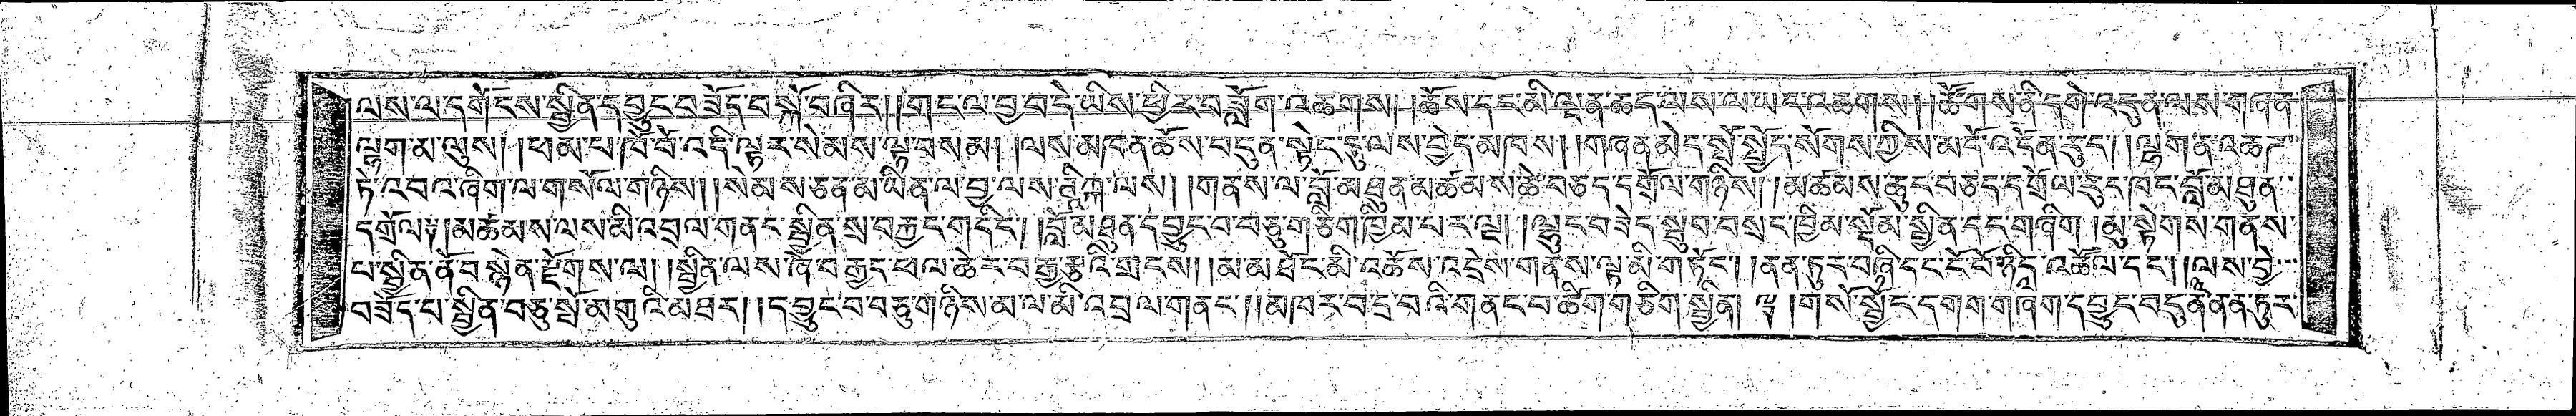ལས་ལ་དགོངས་སྦྱིན་དབྱུང་བཟོད་བསྐོ་བཞིར། །གང་ལ་བྱ་བ་དེ་ཡིས་ཕྱིར་བཟློག་འཆགས། །ཆོས་དང་མི་ལྡན་ཆད་ལས་ལ་ཡང་འཆགས། །ཚོགས་ནི་དགེ་འདུན་ལས་གཞན་
ལྷག་མ་ལུས། །ཕམ་པ་ཁོ་བོ་འདི་ལྟར་སེམས་ལྟ་བསམ། །ལས་མཁན་ཆོས་བདུན་སྟེང་དུ་ལས་བྱེད་མཁས། །གཞན་མེད་སྤོ་སྤྱོད་སོགས་ཀྱིས་མདོ་འདོན་རུང་། །ལྷག་ན་འཆགས་
ཏེ་འབའ་ཞིག་ལ་གསོལ་གཉིས། །སེམས་ཅན་མ་ཡིན་ལ་བྱ་ལས་ཊཱིཀྐ་ལས། །གནས་ལ་བློ་མཐུན་མཚམས་ཆེ་བཅད་དགྲོལ་གཉིས། །མཚམས་ཆུང་བཅད་དགྲོལ་རུང་ཁང་བློ་མཐུན་
དགྲོལ༑ །མཚམས་ལས་མི་འབྲལ་གནང་སྦྱིན་སྲ་བརྐྱང་གདིང་། །བློ་མཐུན་དབྱུང་བ་བཅུ་གཅིག་ཁྱིམ་པར་ལྔ། །ལྷུང་བཟེད་སྦུབ་བསྲང་ཁྱིམ་སྡོམ་སྦྱིན་དང་གཞིག །མུ་སྟེགས་གནས་
པ་སྦྱིན་ནོ་བསྙེན་རྫོགས་ལ། །སྦྱིན་ལས་ཞེ་བརྒྱད་ཕལ་ཆེར་བརྒྱ་རྩའི་གྲངས། །མ་མཐོང་མི་འཆོས་འདྲེས་གནས་ལྟ་མི་གཏོང་། །ནན་ཏུར་བཞི་དང་ངོ་བོ་ཉིད་འཚོལ་དང་། །ལས་བྱེ་
བཟོད་པ་སྦྱིན་བཅུ་སྤོ་མགུའི་མཐར། །དབྱུང་བ་བཅུ་གཉིས་མ་ལ་མི་འབྲལ་གནང་། །མཁར་བ་དྲ་བའི་གནང་བ་ཚིག་གཅིག་སྦྱིན། ༈ །གསོ་སྦྱོང་དགག་གཞག་དབྱུང་བདུན་ནན་ཏུར་